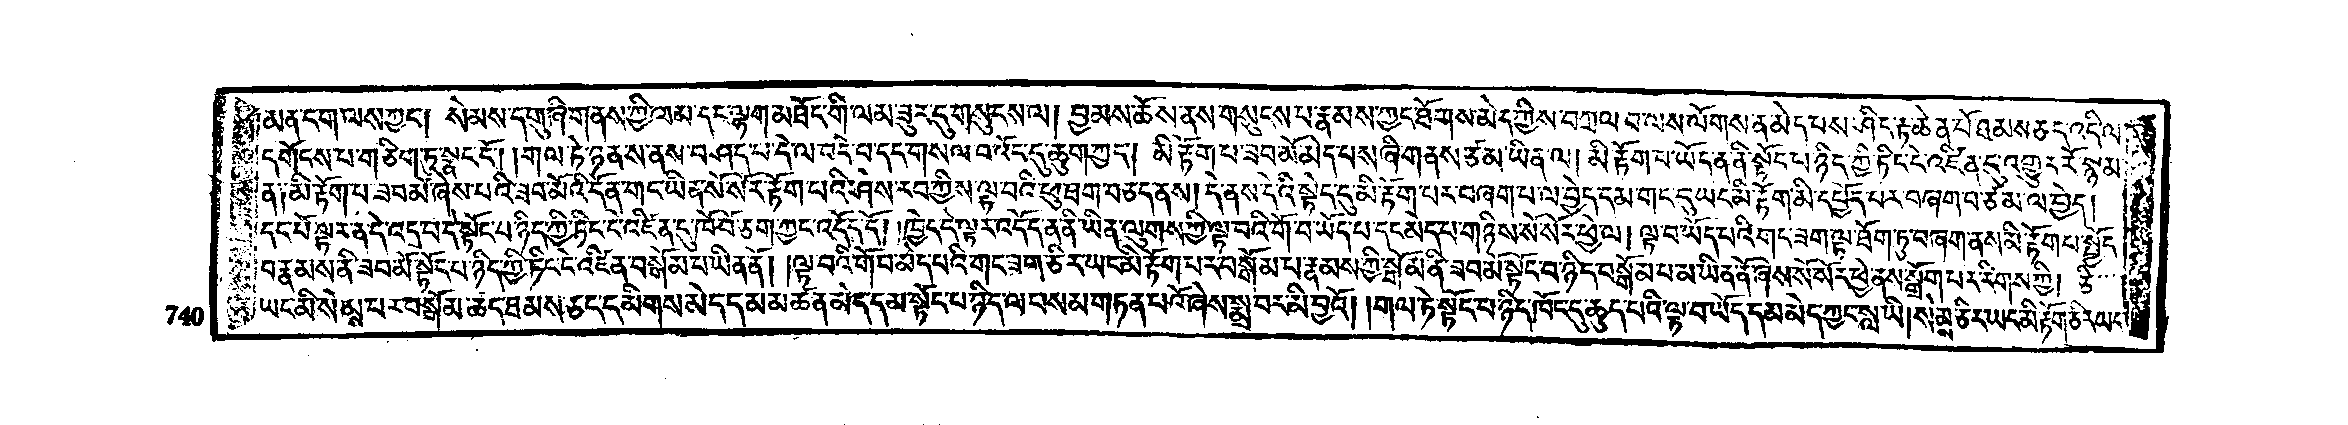མན་ངག་ལས་ཀྱང་། སེམས་དགུ་ཞི་གནས་ཀྱི་ལམ་དང་ལྷག་མཐོང་གི་ལམ་ཟུར་དུ་གསུངས་ལ། བྱམས་ཆོས་ནས་གསུངས་པ་རྣམས་ཀྱང་ཐོགས་མེད་ཀྱིས་བཀྲལ་པ་ལས་ལོགས་ན་མེད་པས་ཤིང་རྟ་ཆེན་པོ་ཐམས་ཅད་འདི་ལ་
དགོངས་པ་གཅིག་ཏུ་སྣང་ངོ། །གལ་ཏེ་ཉན་ས་ནས་བཤད་པ་དེ་ལ་བདེ་བ་དང་གསལ་བ་འོང་དུ་ཆུག་ཀྱང་། མི་རྟོག་པ་ཟབ་མོ་མེད་པས་ཞི་གནས་ཙམ་ཡིན་ལ། མི་རྟོག་པ་ཡོད་ན་ནི་སྟོང་པ་ཉིད་ཀྱི་ཏིང་ངེ་འཛིན་དུ་འགྱུར་རོ་སྙམ་
ན༑ མི་རྟོག་པ་ཟབ་མོ་ཞེས་པའི་ཟབ་མོའི་དོན་གང་ཡིན་སོ་སོར་རྟོག་པའི་ཤེས་རབ་ཀྱིས་ལྟ་བའི་ཕུ་ཐག་བཅད་ནས། དེ་ནས་དེའི་སྟེང་དུ་མི་རྟོག་པར་བཞག་པ་ལ་བྱེད་དམ་གང་དུ་ཡང་མི་རྟོག་མི་དཔྱོད་པར་བཞག་པ་ཙམ་ལ་བྱེད།
དང་པོ་ལྟར་ན་དེ་འདྲ་བ་དེ་སྟོང་པ་ཉིད་ཀྱི་ཏིང་ངེ་འཛིན་དུ་ཁོ་བོ་ཅག་ཀྱང་འདོད་དོ། །ཁྱེད་དེ་ལྟར་འདོད་ན་ནི་ཡིན་ལུགས་ཀྱི་ལྟ་བའི་གོ་བ་ཡོད་པ་དང་མེད་པ་གཉིས་སོ་སོར་ཕྱེ་ལ། ལྟ་བ་ཡོད་པའི་གང་ཟག་ལྟ་ཐོག་ཏུ་བཞག་ནས་མི་རྟོག་བསྐྱོང་
བ་རྣམས་ནི་ཟབ་མོ་སྟོང་པ་ཉིད་ཀྱི་ཏིང་ངེ་འཛིན་བསྒོམ་པ་ཡིན་ནོ། །ལྟ་བའི་གོ་བ་མེད་པའི་གང་ཟག་ཅིར་ཡང་མི་རྟོག་པར་བསྒོམ་པ་རྣམས་ཀྱི་སྒོམ་ནི་ཟབ་མོ་སྟོང་པ་ཉིད་བསྒོམ་པ་མ་ཡིན་ནོ་ཞེས་སོ་སོར་ཕྱེ་ནས་སྒྲོག་པར་རིགས་ཀྱི། ཅི་
ཡང་མི་སེམས་པར་བསྒོམ་ཚད་ཐམས་ཅད་དམིགས་མེད་དམ་མཚན་མེད་དམ་སྟོང་པ་ཉིད་ལ་བསམ་གཏན་པའོ་ཞེས་སྨྲ་བར་མི་བྱའོ། །གལ་ཏེ་སྟོང་པ་ཉིད་ཁོང་དུ་ཆུད་པའི་ལྟ་བ་ཡོད་དམ་མེད་ཀྱང་སླ་ཡི། སེམས་ཅིར་ཡང་མི་རྟོག་ཅིར་ཡང་